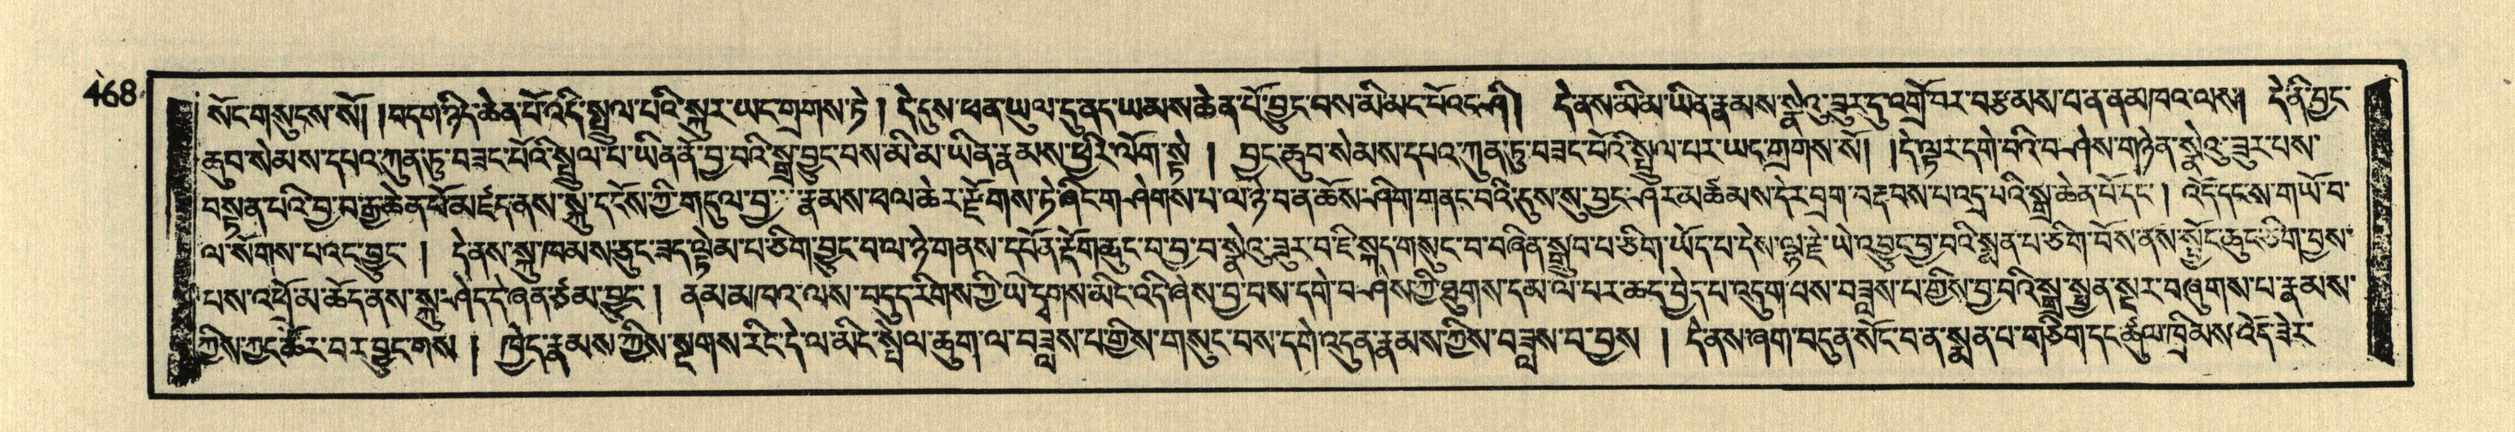སོང་གསུངས་སོ། །བདག་ཉིད་ཆེན་པོ་འདི་སྤྲུལ་པའི་སྐུར་ཡང་གྲགས་ཏེ། དེ་དུས་ཕན་ཡུལ་དུ་ནད་ཡམས་ཆེན་པོ་བྱུང་བས་མི་མང་པོའང་ཤི། དེ་ནས་མི་མ་ཡིན་རྣམས་སྣེའུ་ཟུར་དུ་འགྲོ་བར་བརྩམས་པ་ན་ནམ་མཁའ་ལས། དེ་ནི་བྱང་
ཆུབ་སེམས་དཔའ་ཀུན་ཏུ་བཟང་པོའི་སྤྲུལ་པ་ཡིན་ནོ་བྱ་བའི་སྒྲ་བྱུང་བས་མི་མ་ཡིན་རྣམས་ཕྱིར་ལོག་སྟེ། བྱང་ཆུབ་སེམས་དཔའ་ཀུན་ཏུ་བཟང་པོའི་སྤྲུལ་པར་ཡང་གྲགས་སོ། །དེ་ལྟར་དགེ་བའི་བཤེས་གཉེན་སྣེའུ་ཟུར་པས་
བསྟན་པའི་བྱ་བ་རྒྱ་ཆེན་པོ་མཛད་ནས་སྐུ་དངོས་ཀྱི་གདུལ་བྱ་རྣམས་ཕལ་ཆེར་རྫོགས་ཏེ་ཞིང་གཤེགས་པ་ལ་ཉེ་བ་ན་ཆོས་ཤིག་གནང་བའི་དུས་སུ་བྱང་ཤར་མཚམས་དེར་བྲག་བརྡབས་པ་འདྲ་པའི་སྒྲ་ཆེན་པོ་དང་། འོད་དང་ས་གཡོ་བ་
ལ་སོགས་པའང་བྱུང་། དེ་ནས་སྐུ་ཁམས་ཅུང་ཟད་ལྟེམ་པ་ཅིག་བྱུང་བ་ལ་ཉེ་གནས་དཔོན་རྡོག་ཆུང་བ་བྱ་བ་སྣེའུ་ཟུར་བ་ཇི་སྐད་གསུང་བ་བཞིན་སྒྲུབ་པ་ཅིག་ཡོད་པ་དེས་ལྷ་རྗེ་ཡེ་འབྱུང་བྱ་བའི་སྨན་པ་ཅིག་བོས་ནས་སྤྱོང་ཆུང་ཅིག་བྱས་
པས་འཕྲོ་མ་ཆོད་ནས་སྐུ་ཤེད་དེ་ཞན་ཙམ་བྱུང་། ནམ་མཁའ་ལས་བདུད་རིགས་ཀྱི་ཡེ་དྭགས་མིང་འདི་ཞེས་བྱ་བས་དགེ་བཤེས་ཀྱི་ཐུགས་དམ་ལ་པར་ཆད་བྱེད་པ་འདུག་པས་བཟླས་པ་གྱིས་བྱ་བའི་སྒྲ་སྤྱན་སྔར་བཞུགས་པ་རྣམས་
ཀྱིས་ཀྱང་ཚོར་བར་བྱུང་གས། ཁྱེད་རྣམས་ཀྱིས་སྔགས་རིང་དེ་ལ་མིང་སྤེལ་ཆུག་ལ་བཟླས་པ་གྱིས་གསུང་བས་དགེ་འདུན་རྣམས་ཀྱིས་བཟླས་བ་བྱས། དེ་ནས་ཞག་བདུན་སོང་བ་ན་སྨན་པ་གཅིག་དང་ཚུལ་ཁྲིམས་འོད་ཟེར་